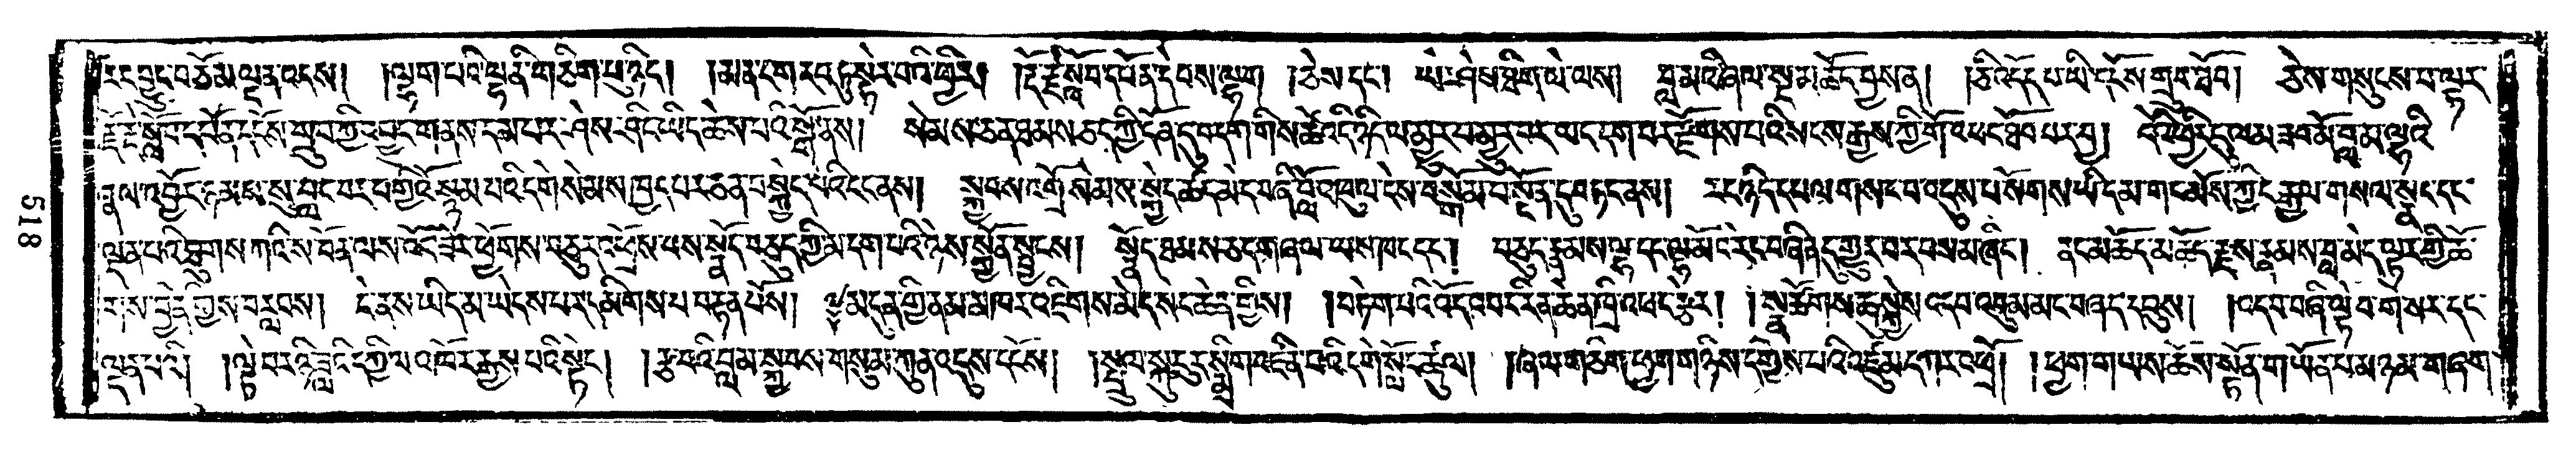རང་བྱུང་བཅོམ་ལྡན་འདས། །ལྷག་པའི་ལྷ་ནི་གཅིག་པུ་ཉིད། །མན་ངག་རབ་ཏུ་སྟེར་བའི་ཕྱིར། །རྡོ་རྗེ་སློབ་དཔོན་དེ་བས་ལྷག །ཅེས་དང་། ཡེ་ཤེས་ཐིག་ལེ་ལས། བླ་མའི་ཞལ་སྔ་མཆོད་བྱས་ན། །ཅི་འདོད་པ་ཡི་དངོས་གྲུབ་ཐོབ། ཅེས་གསུངས་པ་ལྟར་
རྗེ་རྡོ་སློབ་དཔོན་དངོས་གྲུབ་ཀྱི་འབྱུང་གནས་དམ་པར་ཤེས་ཤིང་ཡིད་ཆེས་པའི་སྒོ་ནས། སེམས་ཅན་ཐམས་ཅད་ཀྱི་དོན་དུ་བདག་གིས་ཚེ་འདི་ཉིད་ལ་མྱུར་བ་མྱུར་བར་ཡང་དག་པར་རྫོགས་པའི་སངས་རྒྱས་ཀྱི་གོ་འཕང་ཐོབ་པར་བྱ། དེའི་ཕྱིར་དུ་ལམ་ཟབ་མོ་བླ་མ་ལྷའི་
རྣལ་འབྱོར་ཉམས་སུ་བླང་པར་བགྱིའོ་སྙམ་པའི་དགེ་སེམས་ཁྱད་པར་ཅན་བསྐྱེད་པའི་ངང་ནས། སྐྱབས་འགྲོ་སེམས་སྐྱེད་ཚད་མེད་བཞི་བློ་འཁྲུལ་ངེས་བསྒོམ་པ་སྔོན་དུ་བཏང་ནས། རང་ཉིད་དཔལ་གསང་བ་འདུས་པ་སོགས་ཡི་དམ་གང་མོས་ཀྱི་ང་རྒྱལ་གསལ་སྣང་དང་
ལྡན་པའི་ཐུགས་ཀའི་ས་བོན་ལས་འོད་ཟེར་ཕྱོགས་བཅུར་འཕྲོས་པས་སྣོད་བཅུད་ཀྱི་མ་དག་པའི་ཉེས་སྐྱོན་སྦྱངས། སྣོད་ཐམས་ཅད་གཞལ་ཡས་ཁང་དང་། བཅུད་རྣམས་ལྷ་དང་ལྷ་མོའི་རང་བཞིན་དུ་གྱུར་བར་བསམ་ཞིང་། ནང་མཆོད་རྫས་རྣམས་བླ་མེད་ལྟར་གྱི་ཆོ་
གས་བྱིན་གྱིས་བརླབས། དེ་ནས་ཡིད་མ་ཡེངས་པར་དམིགས་པ་བརྟན་པོས། ༈ མདུན་གྱི་ནམ་མཁར་འཇིགས་མེད་སེང་ཆེན་གྱིས། །བཏེག་པའི་འོད་འབར་རིན་ཆེན་ཁྲི་འཕང་རྩེར། །སྣ་ཚོགས་ཆུ་སྐྱེས་འདབ་འབུམ་མང་བཞད་དབུས། །འདབ་བཞི་ལྟེ་བ་གསར་དང་
ལྡན་པའི། །ལྟེ་བར་ཉི་ཟླའི་དཀྱིལ་འཁོར་རྒྱས་པའི་སྟེང་། །རྩ་བའི་བླ་མ་སྐྱབས་གསུམ་ཀུན་འདུས་དངོས། །སྤྲུལ་སྐུ་དུར་སྨྲིག་འཛིན་པའི་དགེ་སློང་ཚུལ། །ཞལ་གཅིག་ཕྱག་གཉིས་དགྱེས་པའི་འཛུམ་དཀར་འཕྲོ། །ཕྱག་གཡས་ཆོས་སྟོན་གཡོན་པ་མཉམ་གཞག་